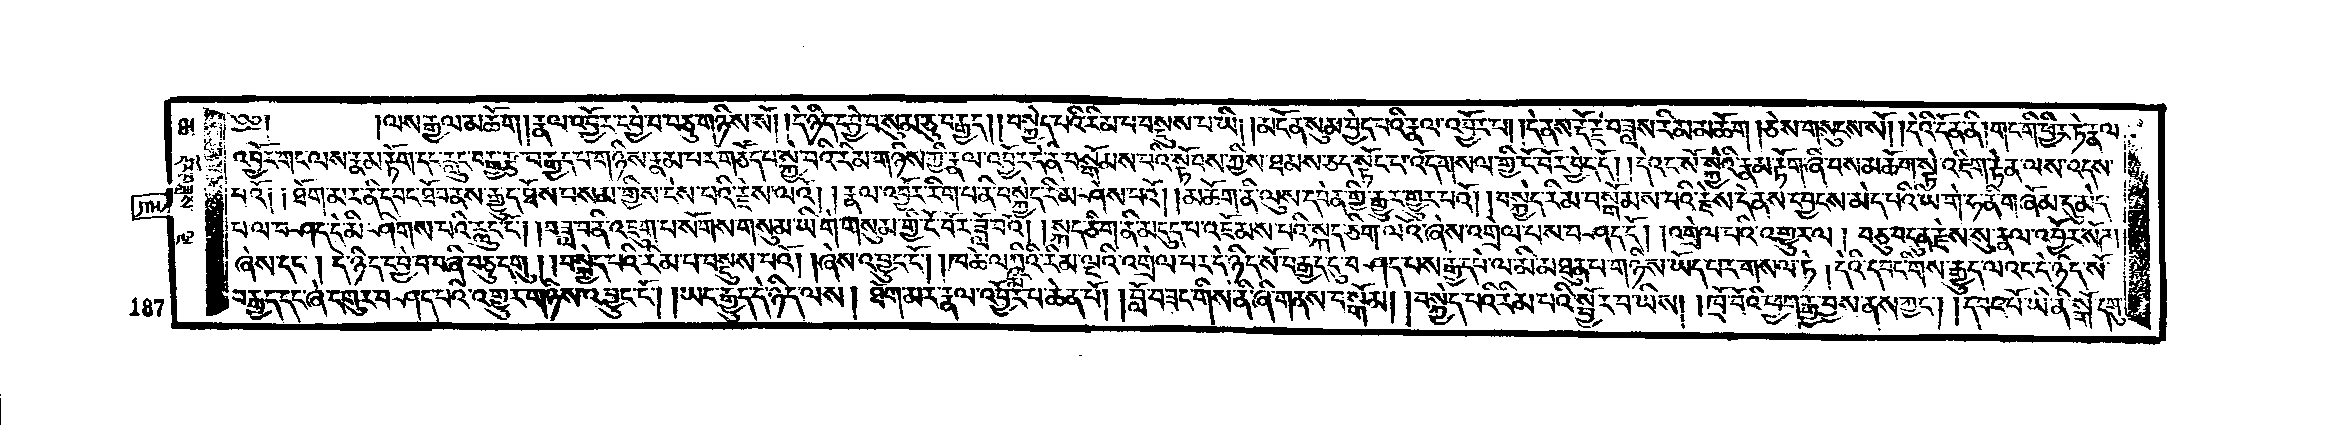༄༅། །ལས་རྒྱལ་མཆོག །རྣལ་འབྱོར་དབྱེ་བ་བཅུ་གཉིས་སོ། །དེ་ཉིད་དབྱེ་བ་སུམ་ཅུ་བརྒྱད། །བསྐྱེད་པའི་རིམ་པ་བསྡུས་པ་ཡི། །མངོན་སུམ་བྱེད་པའི་རྣལ་འབྱོར་པ། །དེ་ནས་རྡོ་རྗེ་བཟླས་རིམ་མཆོག །ཅེས་གསུངས་སོ། །དེའི་དོན་ནི། གང་གི་ཕྱིར་ཏེ་རྣལ་
འབྱོར་གང་ལས་རྣམ་རྟོག་དང་རླུང་བརྒྱ་རྩ་བརྒྱད་པ་གཉིས་རྣམ་པར་གཅོད་པ་སྐྱེ་བའི་རིམ་གཉིས་ཀྱི་རྣལ་འབྱོར་དེ་ནི་བསྒོམས་པའི་སྟོབས་ཀྱིས་ཐམས་ཅད་སྟོང་པ་འོད་གསལ་གྱི་ངོ་བོར་བྱེད་དོ། །དེའང་སོ་སྐྱེའི་རྣམ་རྟོག་ཞི་བས་མཆོག་སྟེ་འཇིག་རྟེན་ལས་འདས་
པའོ༑ ༑ཐོག་མར་ནི་དབང་ཐོབ་ནས་རྒྱུད་ཐོས་བསམ་གྱིས་ངེས་པའི་རྗེས་ལའོ། །རྣལ་འབྱོར་རིག་པ་ནི་བསྐྱེད་རིམ་ཤེས་པའོ། །མཆོག་ནི་ལུས་དབེན་གྱི་རྒྱུར་གྱུར་པའོ། །བསྐྱེད་རིམ་བསྒོམས་པའི་རྗེས་དེ་ནས་དབྱངས་མེད་པའི་ཡི་གེ་ཧ་ནི་གཞོམ་དུ་མེད་
པ་ལ་བཤད་དེ་མི་ཤིགས་པའི་རླུང་ངོ། །བཟླ་བ་ནི་འཇུག་པ་སོགས་གསུམ་ཡི་གེ་གསུམ་གྱི་ངོ་བོར་ཟློ་བའོ། །སྐད་ཅིག་ནི་མདུད་པ་འཇོམས་པའི་སྐད་ཅིག་ལའོ་ཞེས་འགྲེལ་པས་བཤད་དོ། །འགྲེལ་པའི་འགྱུར་ལ། བཅུ་བདུན་རྗེས་སུ་རྣལ་འབྱོར་སོགས།
ཞེས་དང་། དེ་ཉིད་དབྱེ་བ་བཞི་བཅུ་དགུ ། །བསྐྱེད་པའི་རིམ་པ་བསྡུས་པའོ། །ཞེས་འབྱུང་ངོ། །ཁ་ཆེ་ལཀྵྨིའི་རིམ་ལྔའི་འགྲེལ་པར་དེ་ཉིད་སོ་བརྒྱད་དུ་བཤད་པས་རྒྱ་དཔེ་ལ་མི་མཐུན་པ་གཉིས་ཡོད་པར་གསལ་ཏེ། དེའི་དབང་གིས་རྒྱུད་ལའང་དེ་ཉིད་སོ་
བརྒྱད་དང་ཞེ་དགུར་བཤད་པའི་འགྱུར་གཉིས་འབྱུང་ངོ། །ཡང་རྒྱུད་དེ་ཉིད་ལས། ཐོག་མར་རྣལ་འབྱོར་པ་ཆེན་པོ། །བློ་བཟང་གིས་ནི་ཞི་གནས་བསྒོམ། །བསྐྱེད་པའི་རིམ་པའི་སྦྱོར་བ་ཡིས། །ཁྲོ་བོའི་ཕྱག་རྒྱ་བྱས་ནས་ཀྱང་། །དབང་པོ་ཡི་ནི་སྒོ་དགུ་